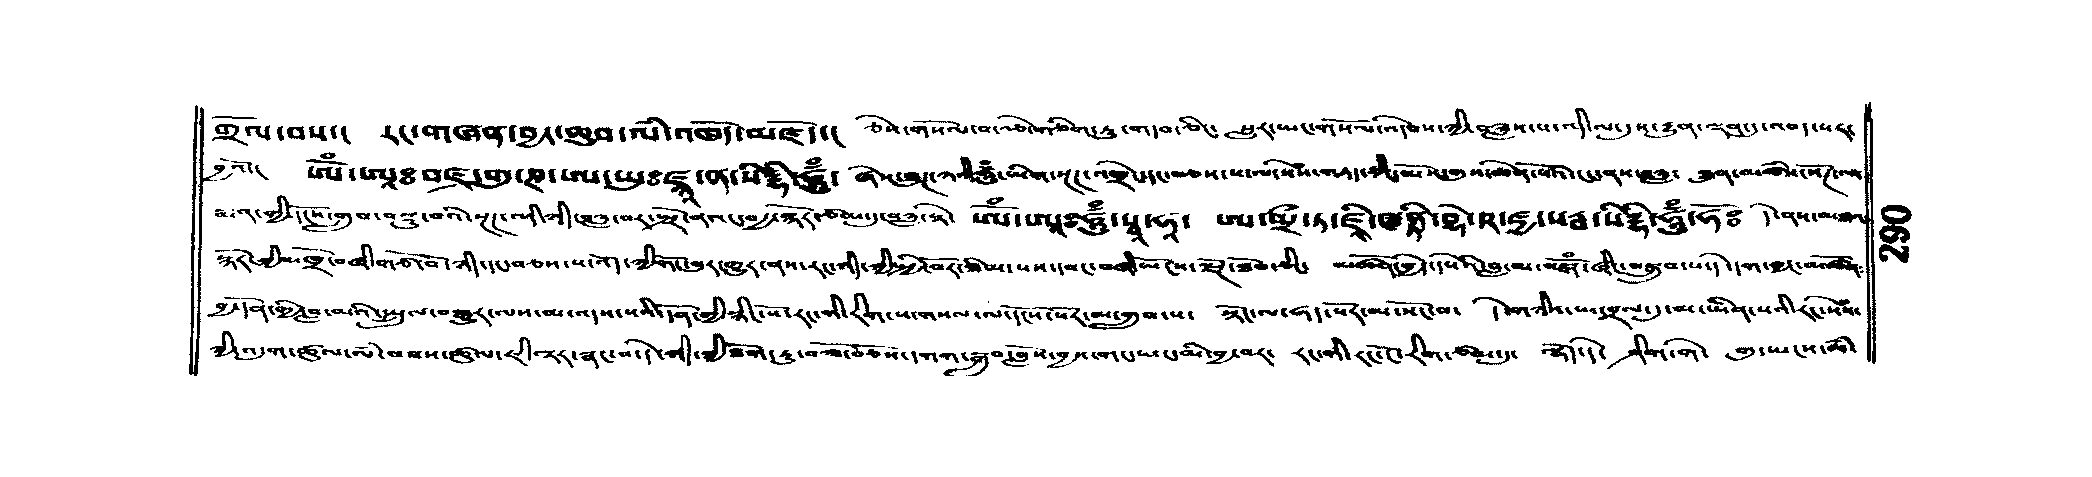གྲོལ་བས། །རང་གཞན་བྱང་ཆུབ་ལམ་འཁོད་མཛོད། ཅེས་གསོལ་བ་རྩེ་གཅིག་ཏུ་གདབ་ཅིང་། སླར་ཡང་གསོལ་འདེབས་ཀྱི་བཟླས་པ་འདི་ལ་དུས་རྒྱུན་ལྡན་དུ་འབད་པར་
བྱའོ།། ཨོཾ་ཨཱཿབཛྲ་གུ་ཎ་ཨ་ཡུཿཛྙཱ་ན་སིདྡྷི་ཧཱུྃ། ཞེས་ཐུགས་ཀའི་ཧཱུྃ་ཡིག་སྔགས་འཕྲེང་དང་བཅས་པ་ལ་སེམས་གཏད་ཅིང་མོས་གུས་ཆེན་པོའི་ངང་ནས་བཟླ། ཐུན་མཚམས་སོགས་ལ་
སྨན་གྱི་དངོས་གྲུབ་བསྡུ་བའི་སྔགས་འདི་ཉིད་བཟླ་བར་སྤྲོ་ནའང་བརྒྱ་སྐོར་ཙམ་དུ་བཟླ་སྟེ། ཨོཾ་ཨཱཿཧཱུྃ་སྭཱ་ཧཱ། ཨ་མྲྀ་ཏ་ཛཱི་ཝནྟི་བྷེ་ར་ཛྱེ་སརྦ་སིདྡྷི་ཧཱུྃ་ཧོཿ དེ་ནས་མཐའ་
སྐོར་གྱི་མཁའ་འགྲོ་བཞི་གཙོ་བོ་ཉིད་དང་བཅས་པ་འོད་ཀྱི་གོང་བུར་གྱུར་ནས་རང་ཉིད་ཀྱི་སྤྱི་བོར་ཐིམ་པས་དབང་བཞི་ཡོངས་རྫོགས་ཐོབ་ཅིང་། མཚོན་བྱེད་དཔེའི་བླ་མ་བསྒོམ་ཞིང་བསྒྲུབ་པ་དེ་དག་ཀྱང་མཚོན་
བྱ་དོན་གྱི་བླ་མའི་སྤྲུལ་བསྒྱུར་ལས་མ་འདས་པའི་དོན་གྱི་སྙིང་པོ་རང་གི་རིག་པ་གསལ་ལ་དངོས་པོར་མ་གྲུབ་པ། སྟོང་ལ་ཧད་པོར་མ་སོང་བ། དེ་གཉིས་ཡ་བྲལ་དུ་མ་ཡིན་པའི་རང་སེམས་
ཀྱི་འདུག་ཚུལ་ལམ་བབས་ཚུལ་ཇི་ལྟར་སྣང་བ་དེ་ཉིད་ཀྱི་ཐོག་ཏུ་བཟོ་བཅོས་དགག་སྒྲུབ་བློས་བྱས་གང་ཡང་མི་བྱ་བར། རང་གི་རང་ངོ་རིག་ཙམ་དུ། ལྷོད་དེ། ཤིག་གེ གུ་ཡངས་ཆམ་